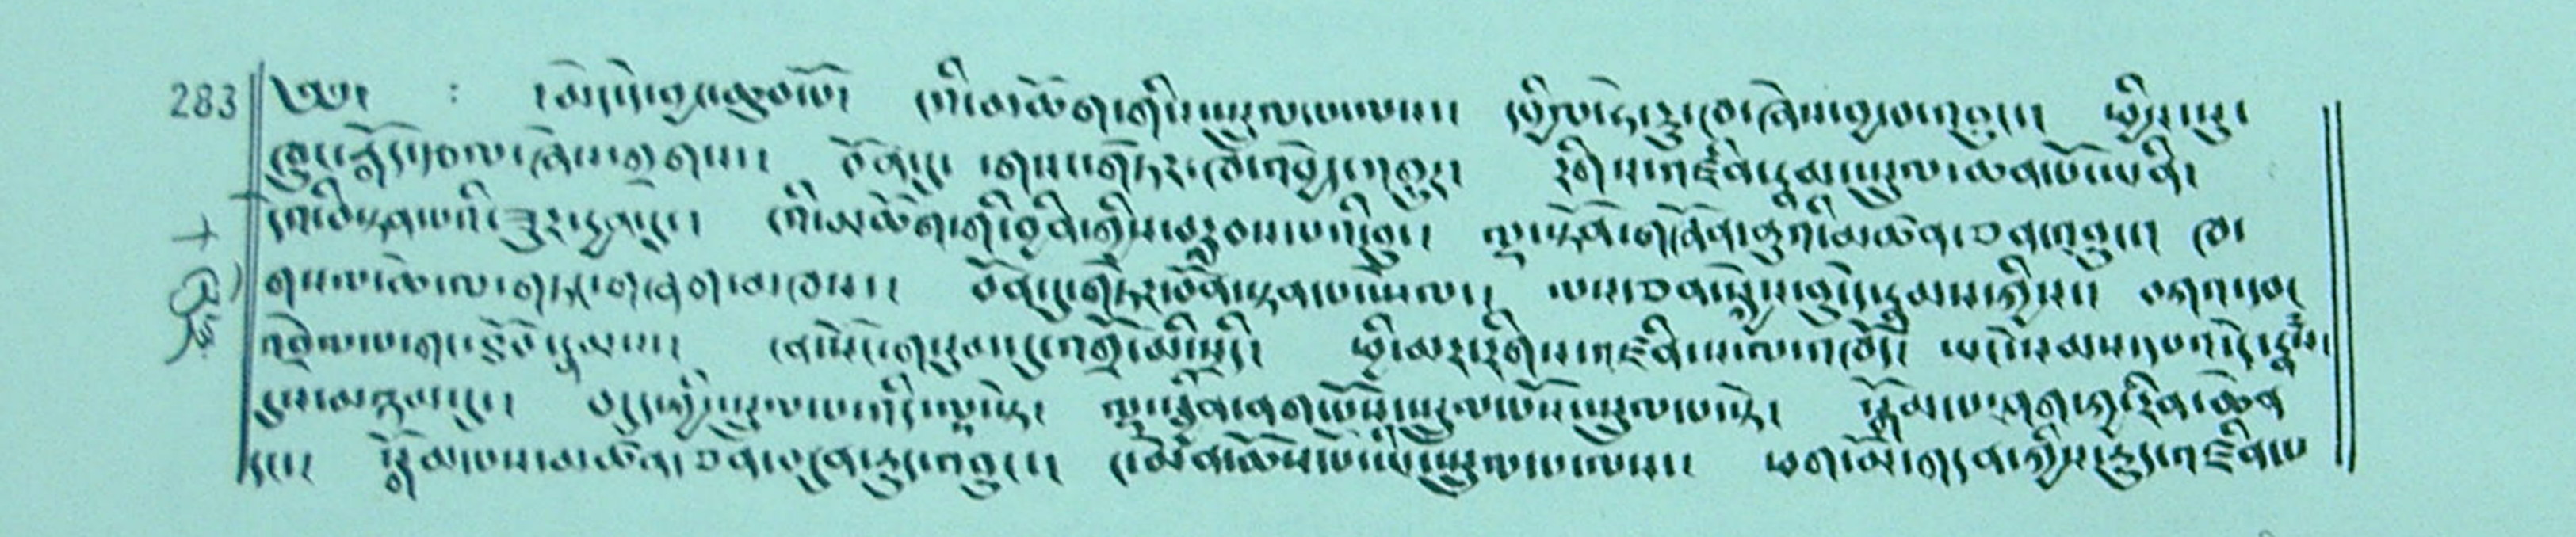༄༅། །མེད་དེ་བྱང་ཆུབ་ཐོབ། ང་ཡི་མཆོག་གི་སྤྲུལ་པ་ལས། དབྱིལ་ཧེ་རུ་ཁ་ཞེས་བྱ་བ་འབྱུང་། ཕྱིས་སུ་
ཁྱུང་རྒོད་རྩལ་ཞེས་གྲགས། བོན་དུ་གསང་གཏེར་ཁ་འབྱེད་འགྱུར། རིགས་འཛིན་རྣམ་སྤྲུལ་་ཆེན་པོ་ཡིན། 
དེ་ཡི་བསྟན་པའི་ཟུར་རྒྱན་དུ། ང་ཡིས་མཆོག་གི་བྱིན་གྱིས་རླབས་པའི་བུ། ལྷ་སྟོན་གཞོན་ནུའི་མཚན་ཅན་འབྱུང་། ཁ་
གསལ་ཆེ་ལ་གཏང་བཞག་མཁས། བོན་གྱི་གཏེར་སྟོན་བསྟན་པ་སྤེལ། ལས་ཅན་སྐྱེས་བུ་དེ་རྣམས་ཀྱིས། བཀའ་དབང་
འབྲེལ་བ་གང་ཐོབ་རྣམས། ངན་སོང་གསུམ་དུ་འགྲོ་མི་སྲིད། ཕྱི་མར་རིགས་འཛིན་ས་ལ་འཁོད། ཡང་སེམས་དཔའ་དེ་རྣམས་
དུས་མཉམ་དུ། བདུད་ཀྱི་སྤྲུལ་པ་འདི་ལྟ་སྟེ། ལྷ་སྦྱིན་ནག་པོས་སྤྲུལ་པ་ལས། སྒོམ་པ་ཤཱཀྱ་རིན་ཆེན་
དང་། སྒོམ་པས་མཚན་ཅན་བདུན་རྒྱུད་འབྱུང་། ང་མིན་ཆོས་པ་ཡི་སྤྲུལ་པ་ལས། ཕག་མོ་གདན་གྱི་རྒྱུད་འཛིན་པ།